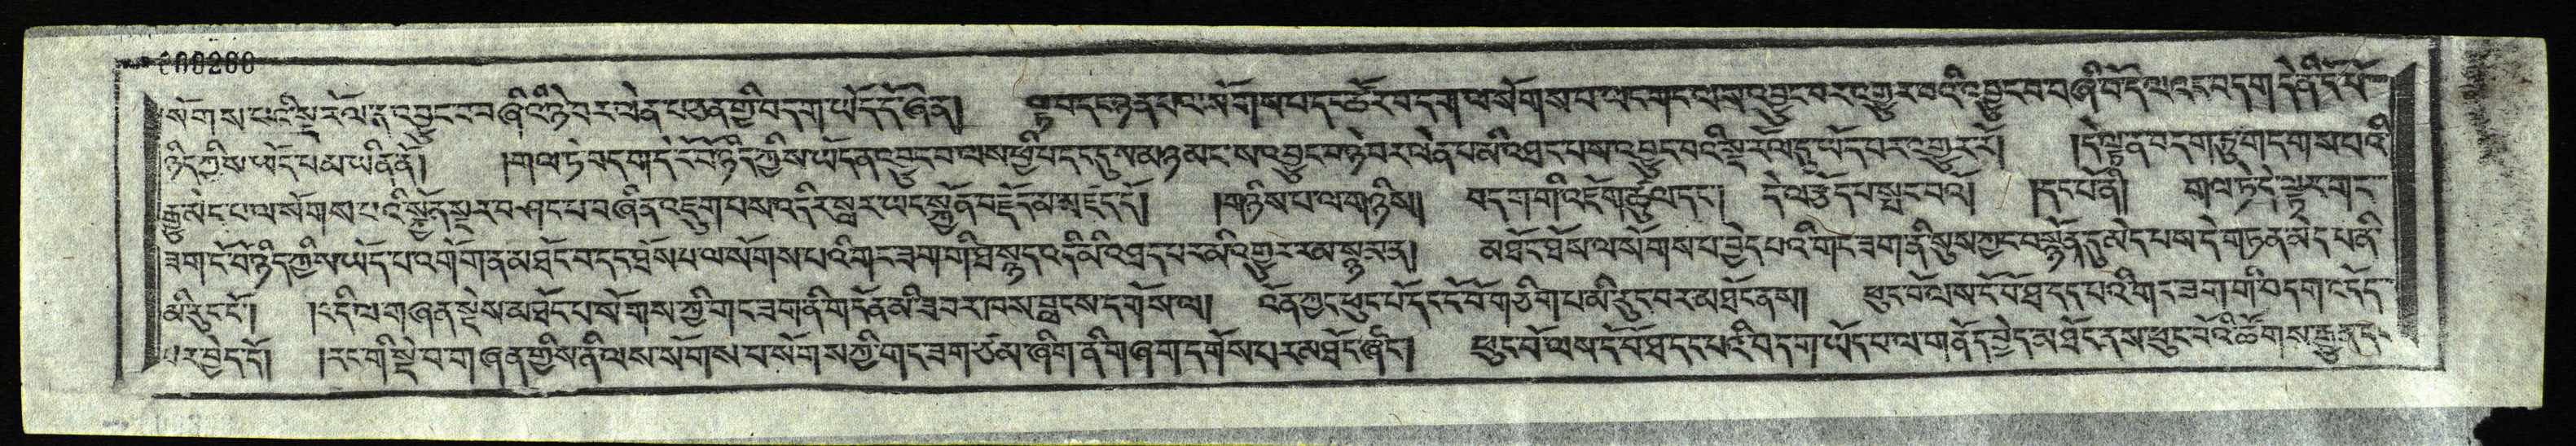སོགས་པའི་སྔ་རོལ་ན་འབྱུང་བ་བཞིའི་ཉེ་བར་ལེན་པ་ཅན་གྱི་བདག་ཡོད་དོ་ཞེ་ན། ལྟ་བ་དང་ཉན་པ་ལ་སོགས་པ་དང་ཚོར་བ་དག་ལ་སོགས་པ་ཡང་གང་ལས་འབྱུང་བར་འགྱུར་བའི་འབྱུང་བ་བཞི་པོ་དེ་ལའང་བདག་དེ་ནི་ངོ་བོ་
ཉིད་ཀྱིས་ཡོད་པ་མ་ཡིན་ནོ། །གལ་ཏེ་བདག་དེ་ངོ་བོ་ཉིད་ཀྱིས་ཡོད་ན་འབྱུང་བ་ལས་ཕྱི་བ་དང་དུས་མཉམ་པས་འབྱུང་བ་ཉེ་བར་ལེན་པ་མི་འཐད་པས་འབྱུང་བའི་སྔ་རོལ་དུ་ཡོད་པར་འགྱུར་རོ། །དེ་ལྟ་ན་བདག་ཏུ་གདགས་པའི་
རྒྱུ་མེད་པ་ལ་སོགས་པའི་སྐྱོན་སྔར་བཤད་པ་བཞིན་འཇུག་པས་འདིར་སླར་ཡང་སྐྱོན་བརྗོད་མ་མཛད་དོ། །གཉིས་པ་ལ་གཉིས། བདག་གི་འཇོག་ཚུལ་དང་། དེ་ལ་རྩོད་པ་སྤང་བའོ། །དང་པོ་ནི། གལ་ཏེ་དེ་ལྟར་གང་
ཟག་ངོ་བོ་ཉིད་ཀྱིས་ཡོད་པ་འགོག་ན་མཐོང་བ་དང་ཐོས་པ་ལ་སོགས་པའི་གང་ཟག་གི་ཐ་སྙད་འདི་མི་འཐད་པར་མི་འགྱུར་རམ་སྙམ་ན། མཐོང་ཐོས་ལ་སོགས་པ་བྱེད་པའི་གང་ཟག་ནི་སུས་ཀྱང་བསྙོན་དུ་མེད་པས་དེ་གཏན་མེད་པ་ནི་
མི་རུང་ངོ། །འདི་ལ་གཞན་སྡེས་མཐོང་པ་སོགས་ཀྱི་གང་ཟག་ནི་གདོན་མི་ཟ་བར་ཁས་བླངས་དགོས་ལ། འོན་ཀྱང་ཕུང་པོ་དང་ངོ་བོ་གཅིག་པ་མི་རུང་བར་མཐོང་ནས། ཕུང་པོ་ལས་ངོ་བོ་ཐ་དད་པའི་གང་ཟག་གི་བདག་འདོད་
པར་བྱེད་དོ། །རང་གི་སྡེ་བ་གཞན་གྱིས་ནི་ལས་སོགས་པ་སོགས་ཀྱི་གང་ཟག་ཙམ་ཞིག་ནི་གཞག་དགོས་པར་མཐོང་ཞིང་། ཕུང་པོ་ལས་ངོ་བོ་ཐ་དད་པའི་བདག་ཡོད་པ་ལ་གནོད་བྱེད་མཐོང་ནས་ཕུང་པོའི་ཚོགས་རྒྱུན་དང་